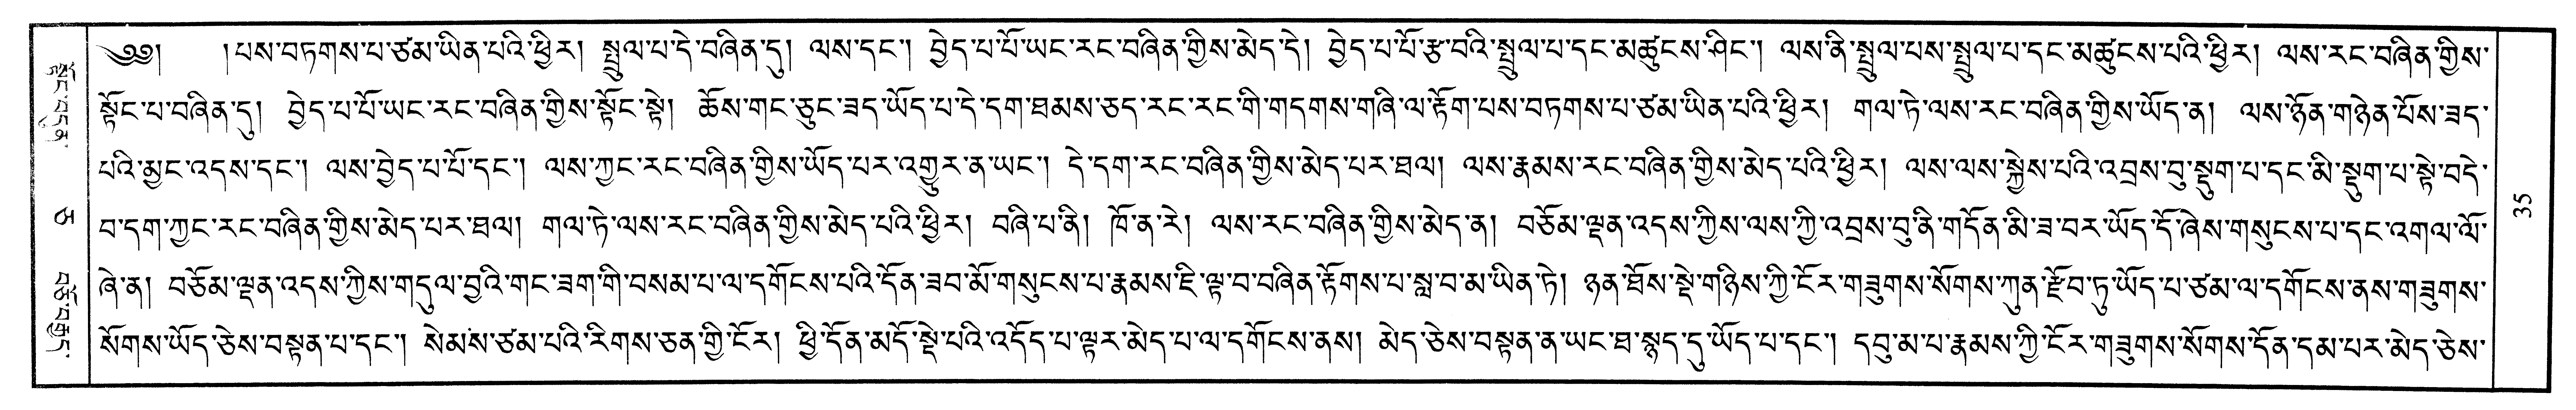༄༅། །པས་བཏགས་པ་ཙམ་ཡིན་པའི་ཕྱིར། སྤྲུལ་པ་དེ་བཞིན་དུ། ལས་དང་། བྱེད་པ་པོ་ཡང་རང་བཞིན་གྱིས་མེད་དེ། བྱེད་པ་པོ་རྩ་བའི་སྤྲུལ་པ་དང་མཚུངས་ཤིང་། ལས་ནི་སྤྲུལ་པས་སྤྲུལ་པ་དང་མཚུངས་པའི་ཕྱིར། ལས་རང་བཞིན་གྱིས་
སྟོང་པ་བཞིན་དུ། བྱེད་པ་པོ་ཡང་རང་བཞིན་གྱིས་སྟོང་སྟེ། ཆོས་གང་ཅུང་ཟད་ཡོད་པ་དེ་དག་ཐམས་ཅད་རང་རང་གི་གདགས་གཞི་ལ་རྟོག་པས་བཏགས་པ་ཙམ་ཡིན་པའི་ཕྱིར། གལ་ཏེ་ལས་རང་བཞིན་གྱིས་ཡོད་ན། ལས་ཉོན་གཉེན་པོས་ཟད་
པའི་མྱང་འདས་དང་། ལས་བྱེད་པ་པོ་དང་། ལས་ཀྱང་རང་བཞིན་གྱིས་ཡོད་པར་འགྱུར་ན་ཡང་། དེ་དག་རང་བཞིན་གྱིས་མེད་པར་ཐལ། ལས་རྣམས་རང་བཞིན་གྱིས་མེད་པའི་ཕྱིར། ལས་ལས་སྐྱེས་པའི་འབྲས་བུ་སྡུག་པ་དང་མི་སྡུག་པ་སྟེ་བདེ་
བ་དག་ཀྱང་རང་བཞིན་གྱིས་མེད་པར་ཐལ། གལ་ཏེ་ལས་རང་བཞིན་གྱིས་མེད་པའི་ཕྱིར། བཞི་པ་ནི། ཁོ་ན་རེ། ལས་རང་བཞིན་གྱིས་མེད་ན། བཅོམ་ལྡན་འདས་ཀྱིས་ལས་ཀྱི་འབྲས་བུ་ནི་གདོན་མི་ཟ་བར་ཡོད་དོ་ཞེས་གསུངས་པ་དང་འགལ་ལོ་
ཞེ་ན། བཅོམ་ལྡན་འདས་ཀྱིས་གདུལ་བྱའི་གང་ཟག་གི་བསམ་པ་ལ་དགོངས་པའི་དོན་ཟབ་མོ་གསུངས་པ་རྣམས་ཇི་ལྟ་བ་བཞིན་རྟོགས་པ་སླ་བ་མ་ཡིན་ཏེ། ཉན་ཐོས་སྡེ་གཉིས་ཀྱི་ངོར་གཟུགས་སོགས་ཀུན་རྫོབ་ཏུ་ཡོད་པ་ཙམ་ལ་དགོངས་ནས་གཟུགས་
སོགས་ཡོད་ཅེས་བསྟན་པ་དང་། སེམས་ཙམ་པའི་རིགས་ཅན་གྱི་ངོར། ཕྱི་དོན་མདོ་སྡེ་པའི་འདོད་པ་ལྟར་མེད་པ་ལ་དགོངས་ནས། མེད་ཅེས་བསྟན་ན་ཡང་ཐ་སྙད་དུ་ཡོད་པ་དང་། དབུ་མ་པ་རྣམས་ཀྱི་ངོར་གཟུགས་སོགས་དོན་དམ་པར་མེད་ཅེས་